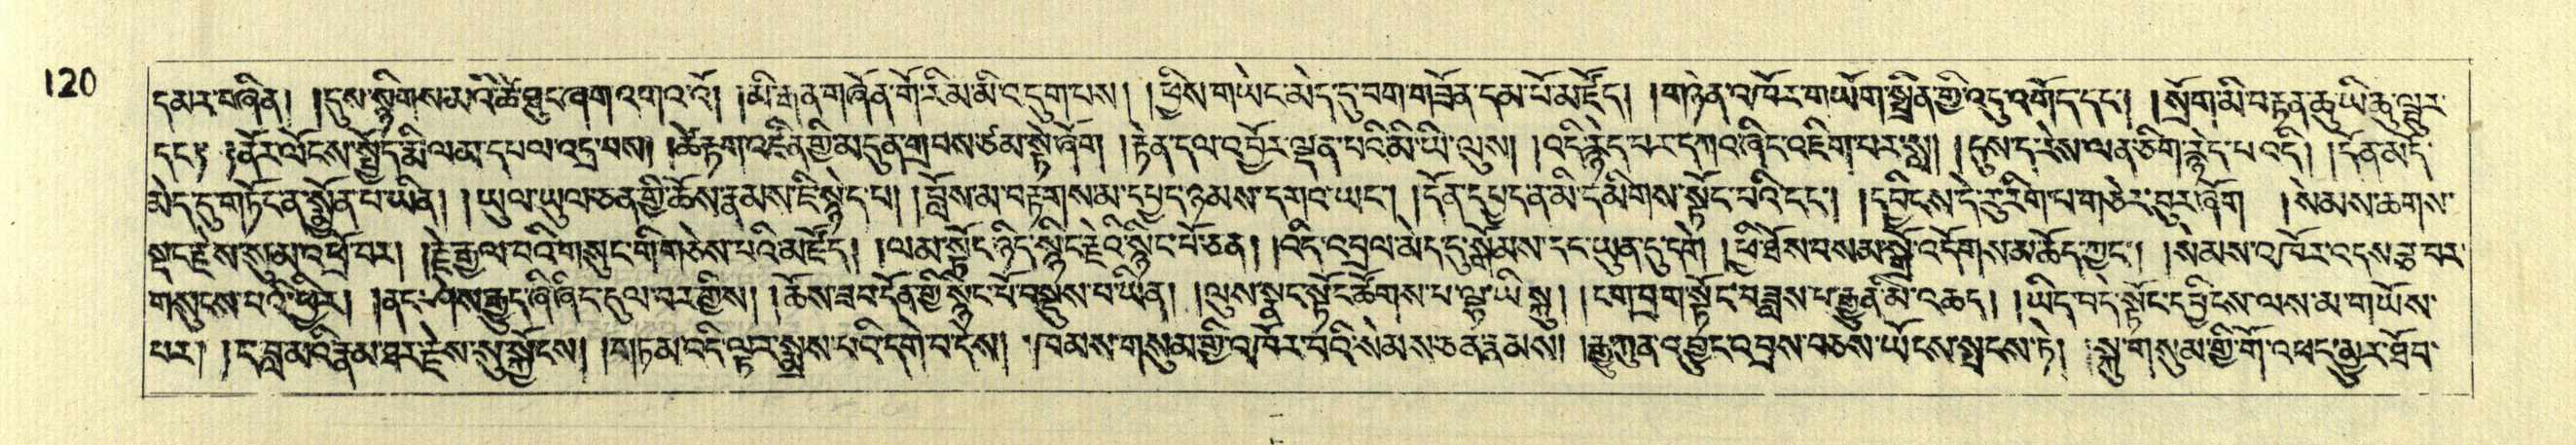དམར་བཞིན། །དུས་སྙིགས་མའི་ཚེ་ཐུང་ཞག་འགའ་འོ། །མི་རྒན་གཞོན་གོ་རིམ་མི་འདུག་པས། །ཕྱིས་གཡེང་མེད་དུ་བག་གཟོན་དམ་པོ་མཛོད། །གཉེན་འཁོར་གཡོག་སྤྲིན་གྱི་འདུ་འགོད་དང་། །སྲོག་མི་བརྟན་ཆུ་ཡི་ཆུ་ལྦུར་
དང༑ ༑ནོར་ལོངས་སྤྱོད་རྨི་ལམ་དཔལ་འདྲ་པས། །ཚེ་རྟག་འཛིན་གྱི་མདུན་གྲབས་ཙམ་སྟེ་ཞོག །རྟེན་དལ་འབྱོར་ལྡན་པའི་མི་ཡི་ལུས། །འདི་རྙེད་པར་དཀའ་ཞིང་འཇིག་པར་སླ། །དུས་ད་རེས་ལན་ཅིག་རྙེད་པ་འདི། །དོན་མདོ་
མེད་དུ་གཏོང་ན་སྨྱོན་པ་ཡིན། །ཡུལ་ཡུལ་ཅན་གྱི་ཆོས་རྣམས་ཇི་སྙེད་པ། །བློས་མ་བརྟགས་མ་དཔྱད་ཉམས་དགའ་ཡང་། །དོན་དཔྱད་ན་མི་དམིགས་སྟོང་པའི་ངང་། །དབྱིངས་དེ་རུ་རིག་པ་གཅེར་བུར་ཞོག །སེམས་ཆགས་
སྡང་རྗེས་སུ་མ་འཕྲོ་བར། །རྗེ་རྒྱལ་བའི་གསུང་གི་གཅེས་པའི་མཛོད། །ལམ་སྟོང་ཉིད་སྙིང་རྗེའི་སྙིང་པོ་ཅན། །འདི་འབྲལ་མེད་དུ་སྒོམས་དང་ཡུན་དུ་དགེ །ཕྱི་ཐོས་བསམ་སྒྲོ་འདོགས་མ་ཆོད་ཀྱང་། །སེམས་འཁོར་འདས་རྩ་བར་
གསུངས་པའི་ཕྱིར། །ནང་ཤེས་རྒྱུད་ཞི་ཞིང་དུལ་བར་གྱིས། །ཆོས་ཟབ་དོན་གྱི་སྙིང་པོ་བསྡུས་པ་ཡིན། །ལུས་སྣང་སྟོང་ཚོགས་པ་ལྷ་ཡི་སྐུ། །ངག་བྲག་སྟོང་བཟླས་པ་རྒྱུན་མི་འཆད། །ཡིད་བདེ་སྟོང་དབྱིངས་ལས་མ་གཡོས་
པར། །ད་བླ་མའི་རྣམ་ཐར་རྗེས་སུ་སྐྱོངས། །གཏམ་འདི་ལྟར་སྨྲས་པའི་དགེ་བ་དེས། །ཁམས་གསུམ་གྱི་འཁོར་བའི་སེམས་ཅན་རྣམས། །རྒྱུ་ཀུན་འབྱུང་འབྲས་བཅས་ཡོངས་སྤངས་ཏེ། །སྐུ་གསུམ་གྱི་གོ་འཕང་མྱུར་ཐོབ་